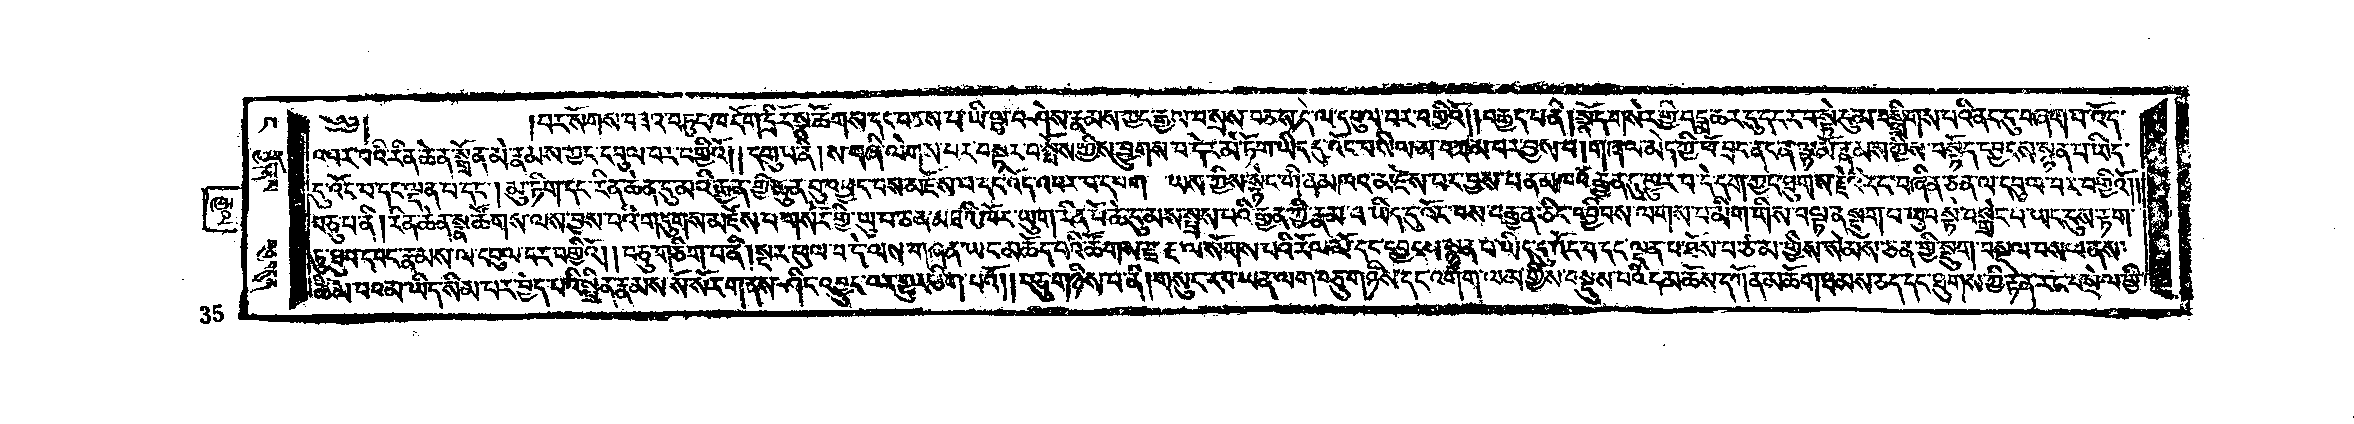༄༅། །བར་སོགས་བཟའ་བཏུང་ཁ་དོག་དྲི་རོ་སྣ་ཚོགས་དང་བཅས་པ་ཡི་ལྷ་བཤེས་རྣམས་ཀྱང་རྒྱལ་བ་སྲས་བཅས་དེ་ལ་དབུལ་བར་བགྱིའོ། །བརྒྱད་པ་ནི། སྣོད་གསེར་གྱི་པདམ་ཚར་དུ་དང་ར་བ་སྟེ་དུ་མ་བསྒྲིགས་པའི་ནང་དུ་བཞག་པ་འོད་
འབར་བའི་རིན་ཆེན་སྒྲོན་མེ་རྣམས་ཀྱང་དབུལ་བར་བགྱིའོ། །དགུ་པ་ནི། ས་གཞི་ལེགས་པར་བསྟར་བ་སྤོས་ཀྱིས་བྱུགས་པ་དེར་མེ་ཏོག་ཡིད་དུ་འོང་བ་སིལ་མ་བཀྲ་མ་པར་བྱས་པ། གཞལ་མེད་ཀྱི་ཕོ་བྲང་ནང་ན་ལྟ་མོ་རྣམས་ཀྱིས་བསྟོད་དབྱངས་སྙན་པ་ཡིད་
དུ་འོང་བ་དང་ལྡན་པ་དང་། མུ་ཏིག་དང་རིན་ཆེན་དུ་མའི་རྒྱན་གྱི་ཆུན་བུ་འཕྱང་བས་མཛོས་པ་དང་འོད་འབར་བ་དཔག་ཡས་ཀྱིས་སྙིང་གི་ནམ་མཁའ་མཛེས་པར་བྱས་པ་ནམ་མཁའོ་རྒྱན་དུ་གྱུར་པ་དེ་དག་ཀྱང་ཐུགས་རྗེའི་རང་བཞིན་ཅན་ལ་དབུལ་བར་བགྱིའོ། །
བཅུ་པ་ནི། རིན་ཆེན་སྣ་ཚོགས་ལས་བྱས་པའི་གདུགས་མཛེས་པ་གསེར་གྱི་ཡུ་བ་ཅན་མཐའི་ཁོར་ཡུག་རིན་པོ་ཅེ་དུ་མས་སྤྲས་པའི་རྒྱན་གྱི་རྣམ་པ་ཡིད་དུ་འོང་བས་བརྒྱན་ཅིང་དབྱིབས་ལགས་པ་མིག་གིས་བལྟ་ན་སྡུག་པ་ཡུབ་སྟེ་བསྒྲེང་པ་ཡང་དུས་རྟག་
ཏུ་ཐུབ་དབང་རྣམས་ལ་དབུལ་བར་བགྱིའོ། །བཅུ་གཅིག་པ་ནི། སྔར་ཕུལ་བ་དེ་ལས་གཞན་ཡང་མཆོད་པའི་ཚོགས་རྫ་རྔ་ལ་སོགས་པའི་རོལ་མོ་དང་དབྱངས་སྙན་པ་ཡིད་དུ་འོང་བ་དང་ལྡན་པ་ཐོས་པ་ཙམ་གྱིས་སེམས་ཅན་གྱི་སྡུག་བསྔལ་བསལ་ནས་
ཚིམ་པའམ་ཡིད་སིམ་པར་བྱེད་པའི་སྤྲིན་རྣམས་སོ་སོར་གནས་ཤིང་འབྱུང་བར་གྱུར་ཅིག་པའོ། །བཅུ་གཉིས་པ་ནི། གསུང་རབ་ཡན་ལག་བཅུ་གཉིས་དང་འགག་ལམ་གྱིས་བསྡུས་པའི་དམ་ཆོས་དཀོན་མཆོག་ཐམས་ཅད་དང་ཐུགས་ཀྱི་རྟེན་རང་བསྲེལ་གྱི་